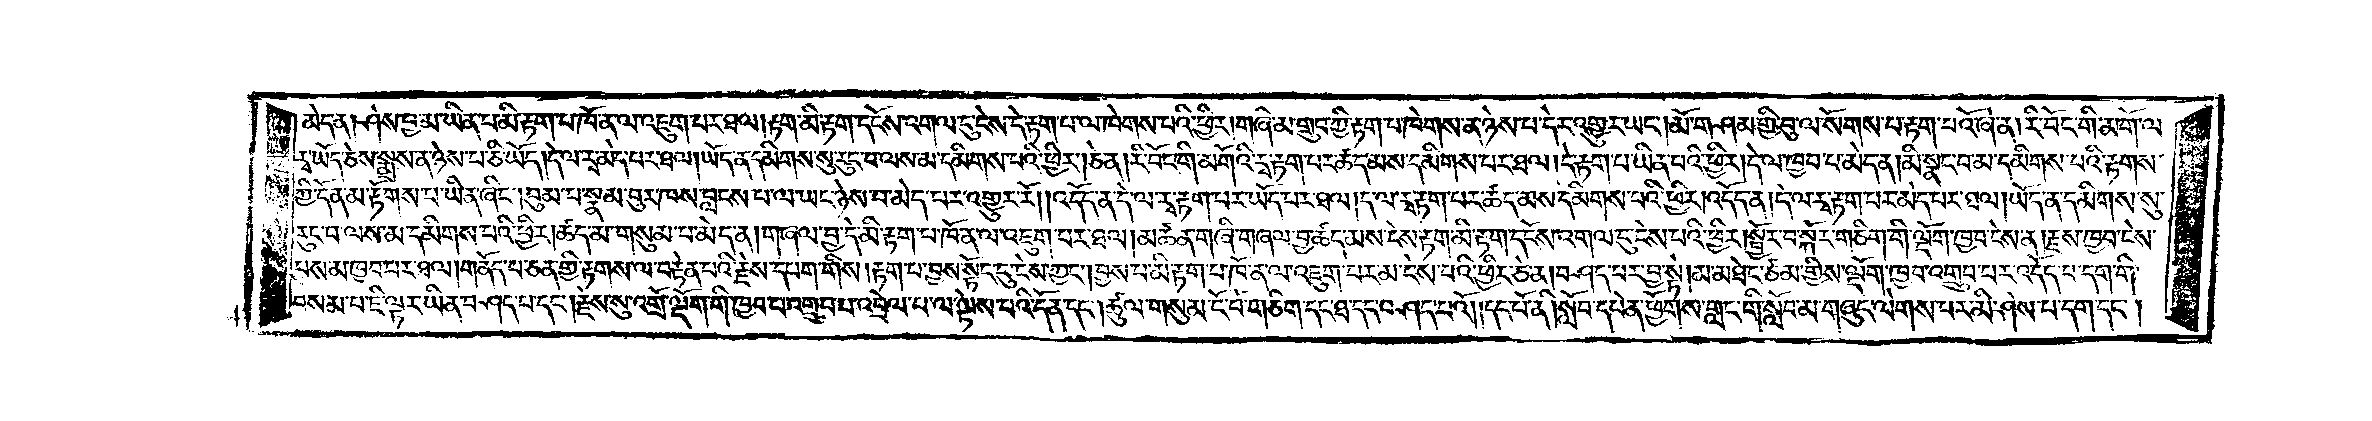མེད་ན། ཤེས་བྱ་མ་ཡིན་པ་མི་རྟག་པ་ཁོ་ན་ལ་འཇུག་པར་ཐལ། རྟག་མི་རྟག་དངོས་འགལ་དུ་ངེས་དེ་རྟག་པ་ལ་ཁེགས་པའི་ཕྱིར། གཞི་མ་གྲུབ་ཀྱི་རྟག་པ་ཁེགས་ན་ཉེས་པ་དེར་འགྱུར་ཡང་། མོ་གཤམ་གྱི་བུ་ལ་སོགས་པ་རྟག་པའོ་ཞེ་ན། རི་བོང་གི་མགོ་ལ་
རྭ་ཡོད་ཅེས་སྨྲས་ན་ཉེས་པ་ཅི་ཡོད། དེ་ལ་རྭ་མེད་པར་ཐལ། ཡོད་ན་དམིགས་སུ་རུང་བ་ལས་མ་དམིགས་པའི་ཕྱིར། ཅེ་ན། རི་བོང་གི་མགོའི་རྭ་རྟག་པར་ཚད་མས་དམིགས་པར་ཐལ། དེ་རྟག་པ་ཡིན་པའི་ཕྱིར། དེ་ལ་ཁྱབ་པ་མེད་ན། མི་སྣང་བ་མ་དམིགས་པའི་རྟགས་
ཀྱི་དོན་མ་རྟོགས་པ་ཡིན་ཞིང་། བུམ་པ་སྣམ་བུར་ཁས་བླངས་པ་ལ་ཡང་ཉེས་པ་མེད་པར་འགྱུར་རོ། །འདོད་ན་དེ་ལ་རྭ་རྟག་པར་ཡོད་པར་ཐལ། དེ་ལ་རྭ་རྟག་པར་ཚད་མས་དམིགས་པའི་ཕྱིར། འདོད་ན། དེ་ལ་རྭ་རྟག་པར་མེད་པར་ཐལ། ཡོད་ན་དམིགས་སུ་
རུང་བ་ལས་མ་དམིགས་པའི་ཕྱིར། ཚད་མ་གསུམ་པ་མེད་ན། གཞལ་བྱ་དེ་མི་རྟག་པ་ཁོ་ན་ལ་འཇུག་པར་ཐལ། མཚན་གཞི་གཞལ་བྱ་ཚད་མས་དེས་རྟག་མི་རྟག་དངོས་འགལ་དུ་ངེས་པའི་ཕྱིར། སྦྱོར་བ་སྐོར་གཅིག་གི་ལྡོག་ཁྱབ་ངེས་ན། རྫས་ཁྱབ་ངེས་
བྱས་མ་ཁྱབ་པར་ཐལ། གནོད་པ་ཅན་གྱི་རྟགས་ལ་བརྟེན་པའི་རྗེས་དཔག་གིས། རྟག་པ་བྱས་སྟོང་དུ་ངེས་ཀྱང་། བྱས་པ་མི་རྟག་པ་ཁོ་ན་ལ་འཇུག་པར་མ་ངེས་པའི་ཕྱིར་ཅེ་ན། བཤད་པར་བྱ་སྟེ། མ་མཐོང་ཙམ་གྱིས་ལྡོག་ཁྱབ་འགྲུབ་པར་འདོད་པ་དག་གི་
བསམ་པ་ཇི་ལྟར་ཡིན་བཤད་པ་དང་། རྗེས་སུ་འགྲོ་ལྡོག་གི་ཁྱབ་པ་འགྲུབ་པ་འབྲེལ་པ་ལ་ལྟོས་པའི་དོན་དང་། ཚུལ་གསུམ་ངོ་བོ་གཅིག་དང་ཐ་དད་བཤད་པའོ། །དང་པོ་ནི། སློབ་དཔོན་ཕྱོགས་གླང་གི་སློབ་མ་གཞུང་ལེགས་པར་མི་ཤེས་པ་དག་དང་།